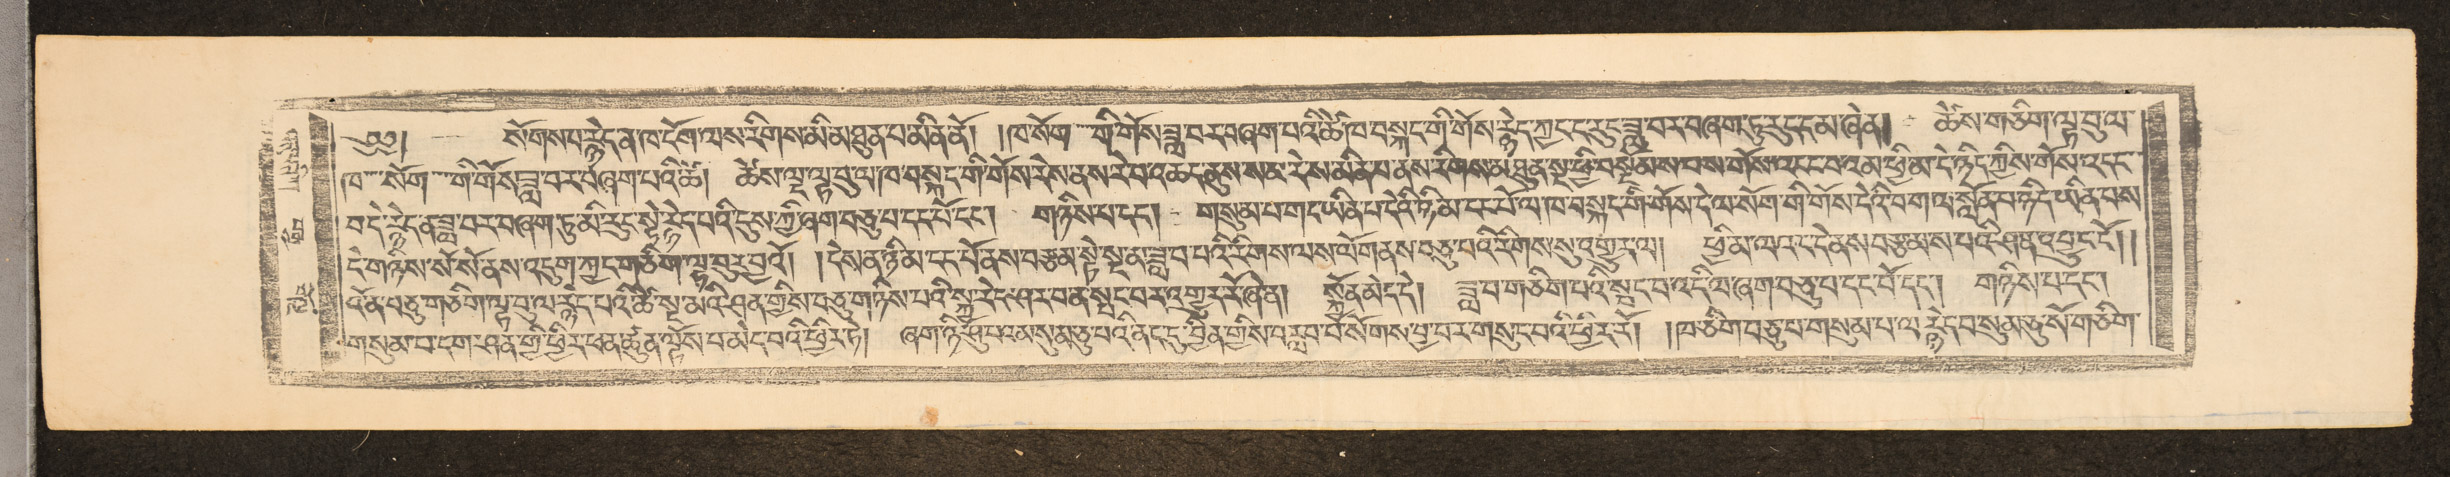༄༅། །སོགས་པ་རྙེད་ན་ཁ་དོག་ལས་རིགས་མི་མཐུན་པ་མིན་ནོ། །ཁ་སོག་གི་གོས་ཟླ་བར་བཞག་པའི་ཚེ་ཁ་བསྐང་གི་གོས་རྙེད་ཀྱང་ད་རུང་ཟླ་བར་བཞག་ཏུ་རུང་ངམ་ཞེ་ན། ཚེས་གཅིག་ལྟ་བུ་ལ་
ཁ་སོག་གི་གོས་ཟླ་བར་བཞག་པའི་ཚེ། ཚེས་ལྔ་ལྟ་བུ་ལ་ཁ་བསྐང་གི་གོས་རེས་ནས་རེ་བ་འཆད་ནུས་སམ་ངེས་མིན་བ་ནས་རིགས་མཐུན་སྔ་ཕྱི་བསྡོམས་པས་གོས་འདང་བ་འམ་ཕྱི་མ་དེ་ཉིད་ཀྱིས་གོས་འདང་
བདེ་རྙེད་ན་ཟླ་བར་བཞག་ཏུ་མི་རུང་སྟེ་རྙེད་པའི་དུས་ཀྱི་ཞག་བཅུ་བ་དང་པོ་དང་། གཉིས་པ་དང་། གསུམ་པ་གང་ཡིན་པ་དེའི་ཉི་མ་དང་པོ་ལ་ཁ་བསྐང་གི་གོས་དེ་ཁ་སོག་གི་གོས་དེའི་བག་ལ་སློན་པ་ཉིད་ཡིན་པས་
དེ་གཉིས་སོ་སོ་ནས་འདུག་ཀྱང་གཅིག་ལྟ་བུར་བྱའོ། །དེས་ན་ཉི་མ་དང་པོ་ནས་བརྩམ་སྟེ་སྔ་མ་ཟླ་བ་པའི་རིགས་ལས་ལོག་ནས་བཅུ་པའི་རིགས་སུ་འགྱུར་ལ། ཕྱི་མ་ལའང་དེ་ནས་བརྩམས་པའི་ཤན་འབྱུང་ངོ། །
འོན་བཅུ་གཅིག་ལྟ་བུ་ལ་རྙེད་པའི་ཚེ་སྔ་མའི་ཤན་གྱིས་བཅུ་གཉིས་པའི་སྐྱ་རེང་ཤར་བ་ན་སྤང་བར་འགྱུར་རོ་ཞེ་ན། སྐྱོན་མེད་དེ། ཟླ་བ་གཅིག་པའི་སྤང་བ་འདི་ལ་ཞག་བཅུ་པ་དང་པོ་དང་། གཉིས་པ་དང་།
གསུམ་པ་དག་ཤན་གྱི་ཕྱིར་ཕན་ཚུན་ལྟོས་པ་མེད་པའི་ཕྱིར་ཏེ། ཞག་ཉི་ཤུ་པའམ་སུམ་ཅུ་པའི་ནང་དུ་བྱིན་གྱིས་བརླབ་པ་སོགས་བྱ་བར་གསུང་པའི་ཕྱིར་རོ། །ཁ་ཅིག་བཅུ་པ་གསུམ་པ་ལ་རྙེད་པ་སུམ་ཅུ་སོ་གཅིག་